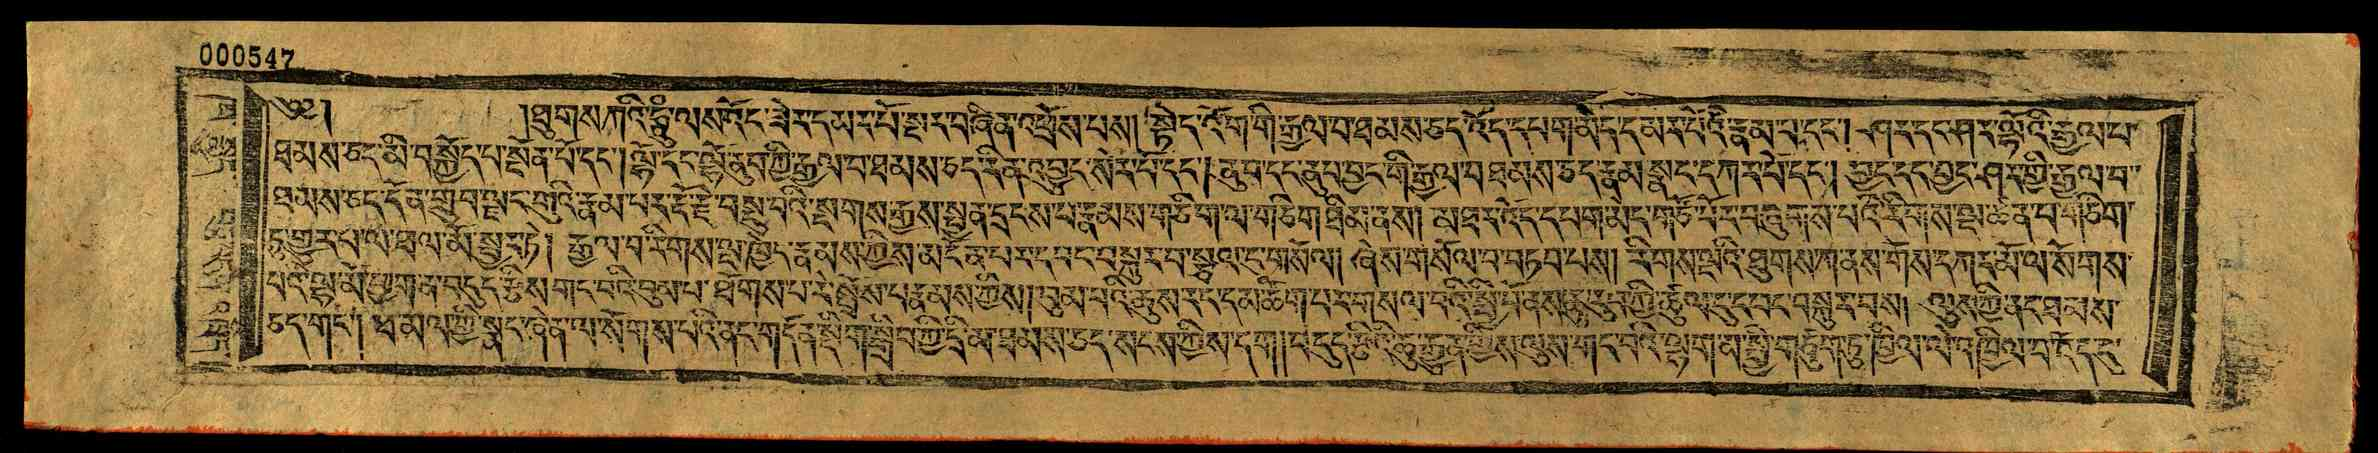༄༅། །ཐུགས་ཀའི་ཧཱུཾ་ལས་འོད་ཟེར་དམར་པོ་སྔར་བཞིན་འཕྲོས་པས། སྟེང་འོག་གི་རྒྱལ་བ་ཐམས་ཅད་འོད་དཔག་མེད་དམར་པོའི་རྣམ་པ་དང་། ཤར་དང་ཤར་ལྷོའི་རྒྱལ་བ་
ཐམས་ཅད་མི་བསྐྱོད་པ་སྔོན་པོ་དང་། ལྷོ་དང་ལྷོ་ནུབ་ཀྱི་རྒྱལ་བ་ཐམས་ཅད་རིན་འབྱུང་སེར་པོ་དང་། ནུབ་དང་ནུབ་བྱང་གི་རྒྱལ་བ་ཐམས་ཅད་རྣམ་སྣང་དཀར་པོ་དང་། བྱང་དང་བྱང་ཤར་གྱི་རྒྱལ་བ་
ཐམས་ཅད་དོན་གྲུབ་ལྗང་གུའི་རྣམ་པར་རྡོ་རྗེ་བསྡུ་བའི་སྔགས་རྒྱས་སྤྱན་དྲངས་པ་རྣམས་གཅིག་ལ་གཅིག་ཐིམ་ནས། མཐར་འོད་དཔག་མེད་གཙོ་བོར་བཞུགས་པའི་རིགས་ལྔ་ཚན་པ་གཅིག་
ཏུ་གྱུར་པ་ལ་ཐལ་མོ་སྦྱར་ཏེ། རྒྱལ་བ་རིགས་ལྔ་ཁྱེད་རྣམས་ཀྱིས་མངོན་པར་དབང་བསྐུར་བ་སྩལ་དུ་གསོལ། ཞེས་གསོལ་བ་བཏབ་པས། རིགས་ལྔའི་ཐུགས་ཀ་ནས་གོས་དཀར་མོ་ལ་སོགས་
པའི་ལྷ་མོ་ཕྱག་ན་བདུད་རྩིས་གང་བའི་བུམ་པ་ཐོགས་པ་རེ་སྤྲོས་པ་རྣམས་ཀྱིས། བུམ་པའི་ཆུས་རང་དམ་ཚིག་པར་གསལ་བའི་སྤྱི་བོ་ནས་ཆུ་རུབ་ཀྱི་ཚུལ་དུ་དབང་བསྐུར་བས། ལུས་ཀྱི་ནང་ཐམས་
ཅད་གང་། ཐ་མལ་གྱི་སྣང་ཞེན་ལ་སོགས་པའི་ནད་གདོན་སྡིག་སྒྲིབ་ཀྱི་དྲི་མ་ཐམས་ཅད་སངས་ཀྱིས་དག །བདུད་རྩིའི་ཆུ་རྒྱུན་གྱིས་ལུས་གང་བའི་ལྷག་མ་སྤྱི་གཙུག་ཏུ་ཁྱིལ་ལེ་འཁྱིལ་བ་འོད་དུ་